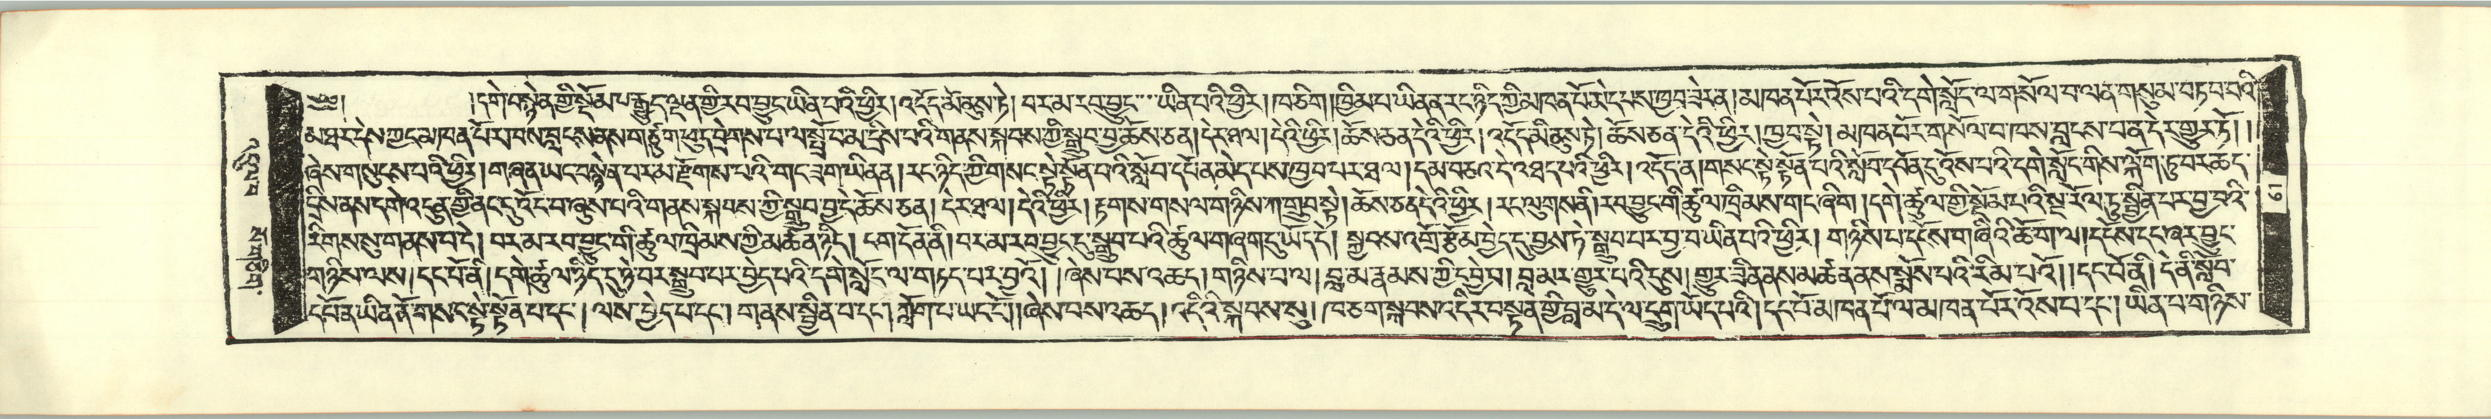༄༅། །དགེ་བསྙེན་གྱི་སྡོམ་པ་རྒྱུད་ལྡན་གྱི་རབ་བྱུང་ཡིན་པའི་ཕྱིར། འདོད་མོ་ནུས་ཏེ། བར་མ་རབ་བྱུང་ཡིན་པའི་ཕྱིར། ཁ་ཅིག །ཁྱིམ་པ་ཡིན་ན་རང་ཉིད་ཀྱི་མཁན་པོ་མེད་པས་ཁྱབ་ཟེར་ན། མཁན་པོར་འོས་པའི་དགེ་སློང་ལ་གསོལ་བ་ལན་གསུམ་བཏབ་པའི་
མཐར་དེས་ཀྱང་མཁན་པོར་ཁས་བླངས་ནས་གཙུག་ཕུད་བྲེགས་པ་ལ་སྤྲོ་པ་མ་དྲིས་པའི་གནས་སྐབས་ཀྱི་སྒྲུབ་བྱ་ཆོས་ཅན། དེར་ཐལ། དེའི་ཕྱིར། ཆོས་ཅན་དེའི་ཕྱིར། འདོད་མི་ནུས་ཏེ། ཆོས་ཅན་དེའི་ཕྱིར། ཁྱབ་སྟེ། མཁན་པོར་གསོལ་བ་ཁས་བླངས་པ་ན་དེར་གྱུར་ཏོ། །
ཞེས་གསུངས་པའི་ཕྱིར། གཞན་ཡང་བསྙེན་པར་མ་རྫོགས་པའི་གང་ཟག་ཡིན་ན། རང་ཉིད་ཀྱི་གསང་སྟེ་སྟོན་པའི་སློབ་དཔོན་མེད་པས་ཁྱབ་པར་ཐལ། དམ་བཅའ་དེ་འཐད་པའི་ཕྱིར། འདོད་ན། གསང་སྟེ་སྟོན་པའི་སློབ་དཔོན་དུ་འོས་པའི་དགེ་སློང་གིས་ཀློག་ཏུ་བར་ཆད་
དྲིས་ནས་དགེ་འདུན་གྱི་ནང་དུ་འོང་བ་ཞུས་པའི་གནས་སྐབས་ཀྱི་སྒྲུབ་བྱ་དེ་ཆོས་ཅན། དེར་ཐལ། དེའི་ཕྱིར། རྟགས་གསལ་གཉིས་ཀ་གྲུབ་སྟེ། ཆོས་ཅན་དེའི་ཕྱིར། རང་ལུགས་ནི། རབ་བྱུང་གི་ཚུལ་ཁྲིམས་གང་ཞིག །དགེ་ཚུལ་གྱི་སྡོམ་པའི་སྔ་རོལ་ཏུ་སྦྱིན་པར་བྱ་བའི་
རིགས་སུ་གནས་པ་དེ། བར་མ་རབ་བྱུང་གི་ཚུལ་ཁྲིམས་ཀྱི་མཚན་ཉིད། ངག་དོན་ནི། བར་མ་རབ་བྱུང་དུ་སྒྲུབ་པའི་ཚུལ་གཞག་དུ་ཡོད་དེ། སྐྱབས་འགྲོ་རྩོམ་བྱེད་དུ་བྱས་ཏེ་སྒྲུབ་པར་བྱ་བ་ཡིན་པའི་ཕྱིར། གཉིས་པ་དངོས་གཞིའི་ཆོ་ག་ལ། དངོས་དང་ཞར་བྱུང་
གཉིས་ལས། དང་པོ་ནི། དགེ་ཚུལ་ཉིད་དུ་ཉེ་བར་སྒྲུབ་པར་བྱེད་པའི་དགེ་སློང་ལ་གཏད་པར་བྱའོ། །ཞེས་པས་འཆད། གཉིས་པ་ལ། བླ་མ་རྣམས་ཀྱི་དབྱེ་བ། བླ་མར་གྱུར་པའི་དུས། གྱུར་ཟིན་ནས་མཚན་ནས་སྨོས་པའི་རིམ་པའོ། །དང་པོ་ནི། དེ་ནི་སློབ་
དཔོན་ཡིན་ནོ་གསང་སྟེ་སྟོན་པ་དང་། ལས་བྱེད་པ་དང་། གནས་སྦྱིན་པ་དང་། ཀློག་པ་ཡང་ངོ། །ཞེས་བས་འཆད། འདིའི་སྐབས་སུ། ཁ་ཅག་སྐབས་འདིར་བསྟན་གྱི་བླ་མ་དེ་ལ་དྲུག་ཡོད་པའི། དང་པོ་མཁན་པོ་ལ་མཁན་པོར་འོས་པ་དང་། ཡིན་པ་གཉིས་